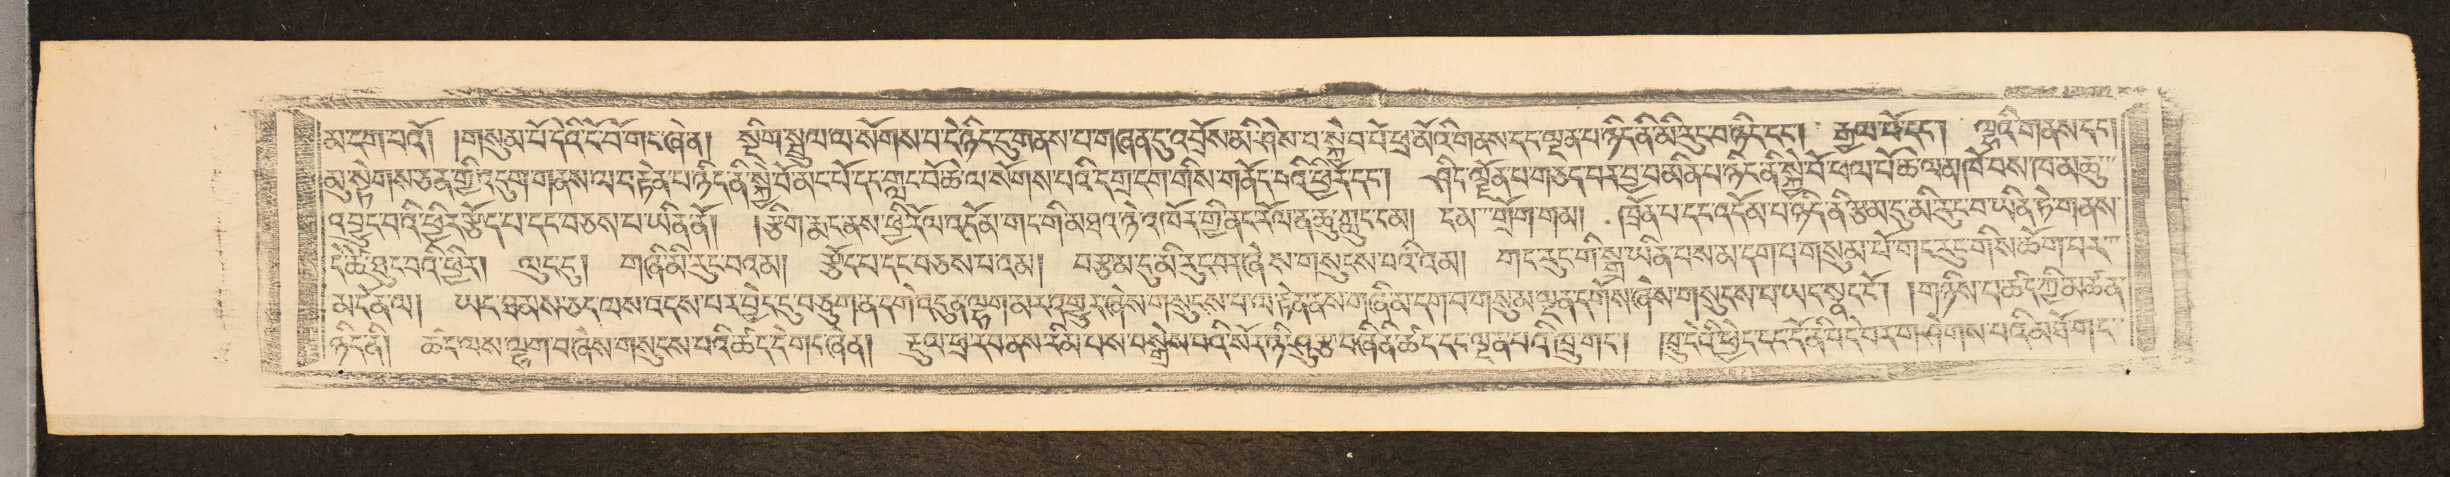མ་ངག་པའོ། །གསུམ་པོ་དེའི་ངོ་བོ་གང་ཞེ་ན། སྡིག་སྦྲུལ་ལ་སོགས་པ་དེ་ཉིད་དུ་གནས་པ་གཞན་དུ་འབྲོས་མི་ཤེས་བ་སྐྱེ་བ་པོ་ཕྲ་མོའི་གནས་དང་ལྡན་པ་ཉིད་ནི་མི་རུང་བ་ཉིད་དང་། རྒྱལ་པོ་དང་། ལྷའི་གནས་དང་།
མུ་སྟེགས་ཅན་གྱི་འདུག་གནས་ལ་བརྟེན་པ་ཉིད་ནི་སྐྱེ་བོ་མང་པོ་དང་གླང་པོ་ཆེ་ལ་སོགས་པའི་དགྲ་དག་གིས་གནོད་པའི་ཕྱིར་དང་། ཤིང་ལྗོན་པ་གཅད་པར་བྱ་བ་མིན་བ་ཉིད་ནི་སྐྱེ་བོ་ཕལ་པོ་ཆེ་ལ་མཁོ་བས་ཁ་མཆུ་
འབྱུང་བའི་ཕྱིར་རྩོད་པ་དང་བཅས་པ་ཡིན་ནོ། །རྩིག་རྨད་ནས་ཕྱི་རོལ་འདོམ་གང་གི་མཐའ་ཉེ་འཁོར་གྱི་ནང་རོལ་ན་ཆུ་ཀླུང་དམ། དམ་གྲོག་གམ། ཁྲོན་པ་དང་འདོམ་པ་ཉིད་ནི་རྩམ་དུ་མི་རུང་བ་ཡིན་ཏེ་གནས་
དེ་ཚེ་ཐུང་བའི་ཕྱིར། ལུང་དུ། གཞི་མི་རུང་བའམ། རྩོད་པ་དང་བཅས་པ་འམ། བརྩམ་དུ་མི་རུང་བར་ཞེས་གསུངས་པའི་འམ། གང་རུང་གི་སྒྲ་ཡིན་པས་མ་དག་པ་གསུམ་པོ་གང་རུང་གིས་ཆོག་པར་
མངོན་ལ། ཡང་ཐམས་ཅད་ལས་འདས་པར་བྱེད་དུ་བཅུག་ན་དགེ་འདུན་ལྷག་མར་འགྱུར་ཞེས་གསུངས་པ་ལ་རྟེན་ནས་གཞིམ་དག་པ་གསུམ་ལྡན་དགོས་ཞེས་གསུངས་པ་ཡང་སྣང་ངོ། །གཉིས་པ་ཚད་ཀྱི་མཚན་
ཉིད་ནི། ཚད་ལས་ལྷག་པ་ཞེས་གསུངས་པའི་ཚད་དེ་གང་ཞེན། རྡུལ་ཕྲ་རབ་ནས་རིམ་པས་བསྒྲེས་བའི་སོར་ཉི་ཤུ་རྩ་བཞི་ནི་ཚད་དང་ལྡན་པའི་ཁྲུ་གང་། ཁྲུ་དེའི་ཕྱེད་དང་དོ་ནི་བདེ་བར་གཤེགས་པའི་མཐོ་གང་